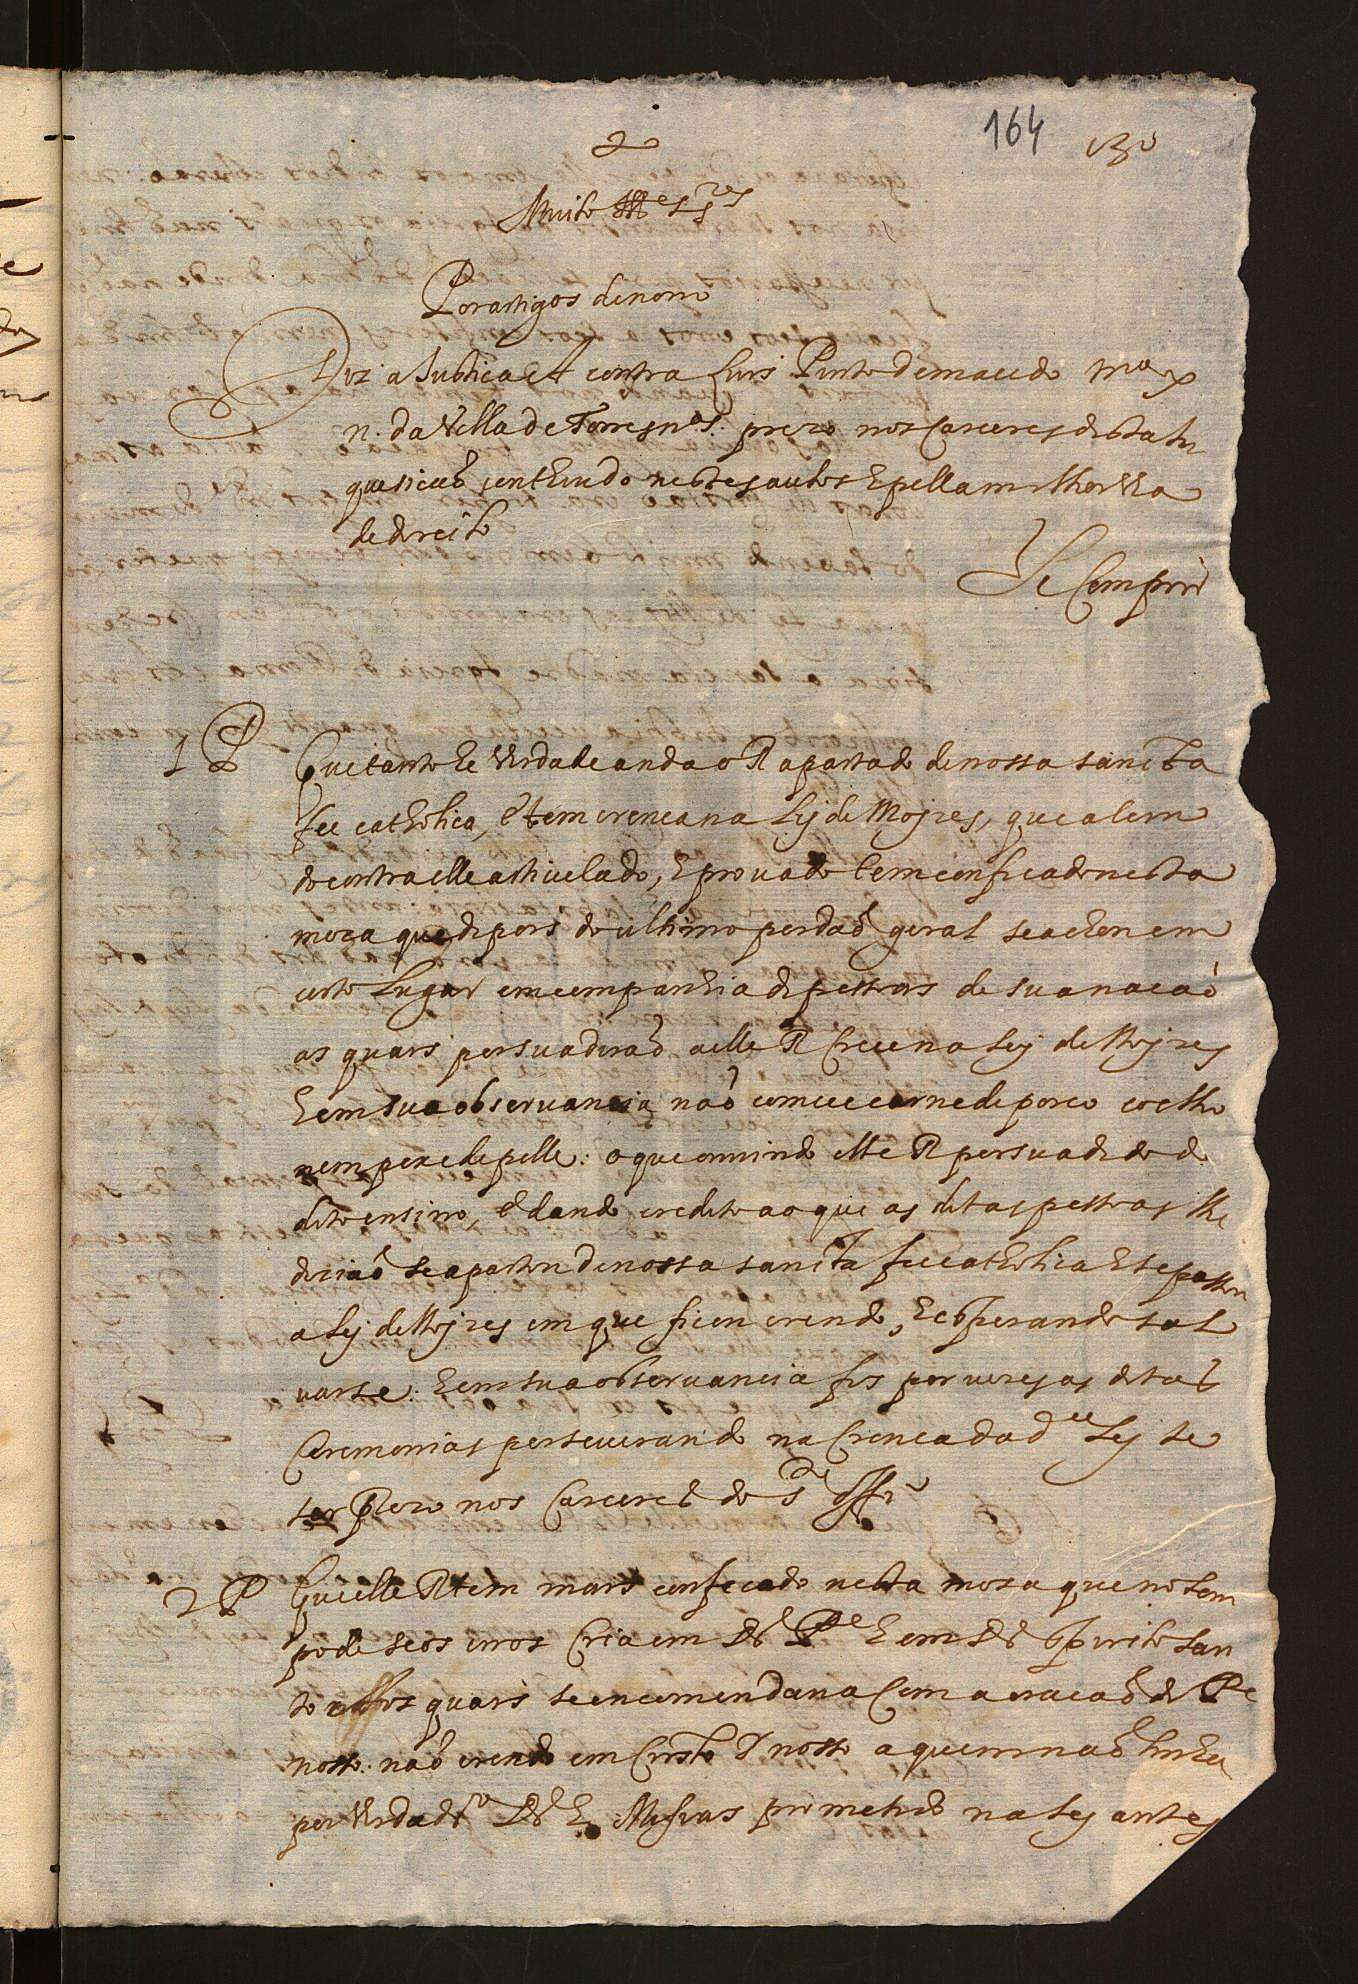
Muito Il̄les Sres
Por artigos de nono
Diz a Iustiça A contra Luis Pinto de macedo mor e
n. da Villa de Torres nas. prezo nos Carceres desta In
quisiçaõ contheudo nestes autos E pella milhor Via
de direito
Se Comprir
1 P. Que tanto he Verdade anda o R apartado de nossa sancta
fee catholico, e tem crença na Lej de Mojzes, que alem
do contra elle articulado, E prouado tem confeçado nesta
meza que depois do ultimo perdaõ geral se achou em
certo Lugar em companhia de pessoas de sua naçaõ
as quais persuadiraõ a elle R Crece na Ley de Moyzes
E em sua obseruancia naõ comece carne de porco coelho
nem pexe de pelle: o que ouuindo elle R persuadido do
dito ensino, e dando credito ao que as ditas pessoas lhe
diziaõ se apartou de nossa sancta fee catholica E se passou
a lej de Mojzes em que ficou crendo, E esperando sal
uarse. E em sua obseruancia fes por uezes as ditas
Ceremonias perseuerando na Crença da da Lej de
ser prezo nos Carceres do sto offo
2 P Que elle R tem mais confeçado nesta meza que no tem
po de seos erros Cria em Ds̄ Pe E em Ds̄ spirito san
to Aos quais se encomendaua Com a oraçaõ de Pe
nosso naõ crendo em Cristo S̄ nosso a quem naõ tinha
per Verdadro Ds̄ E Mesias prometido na lej antes
